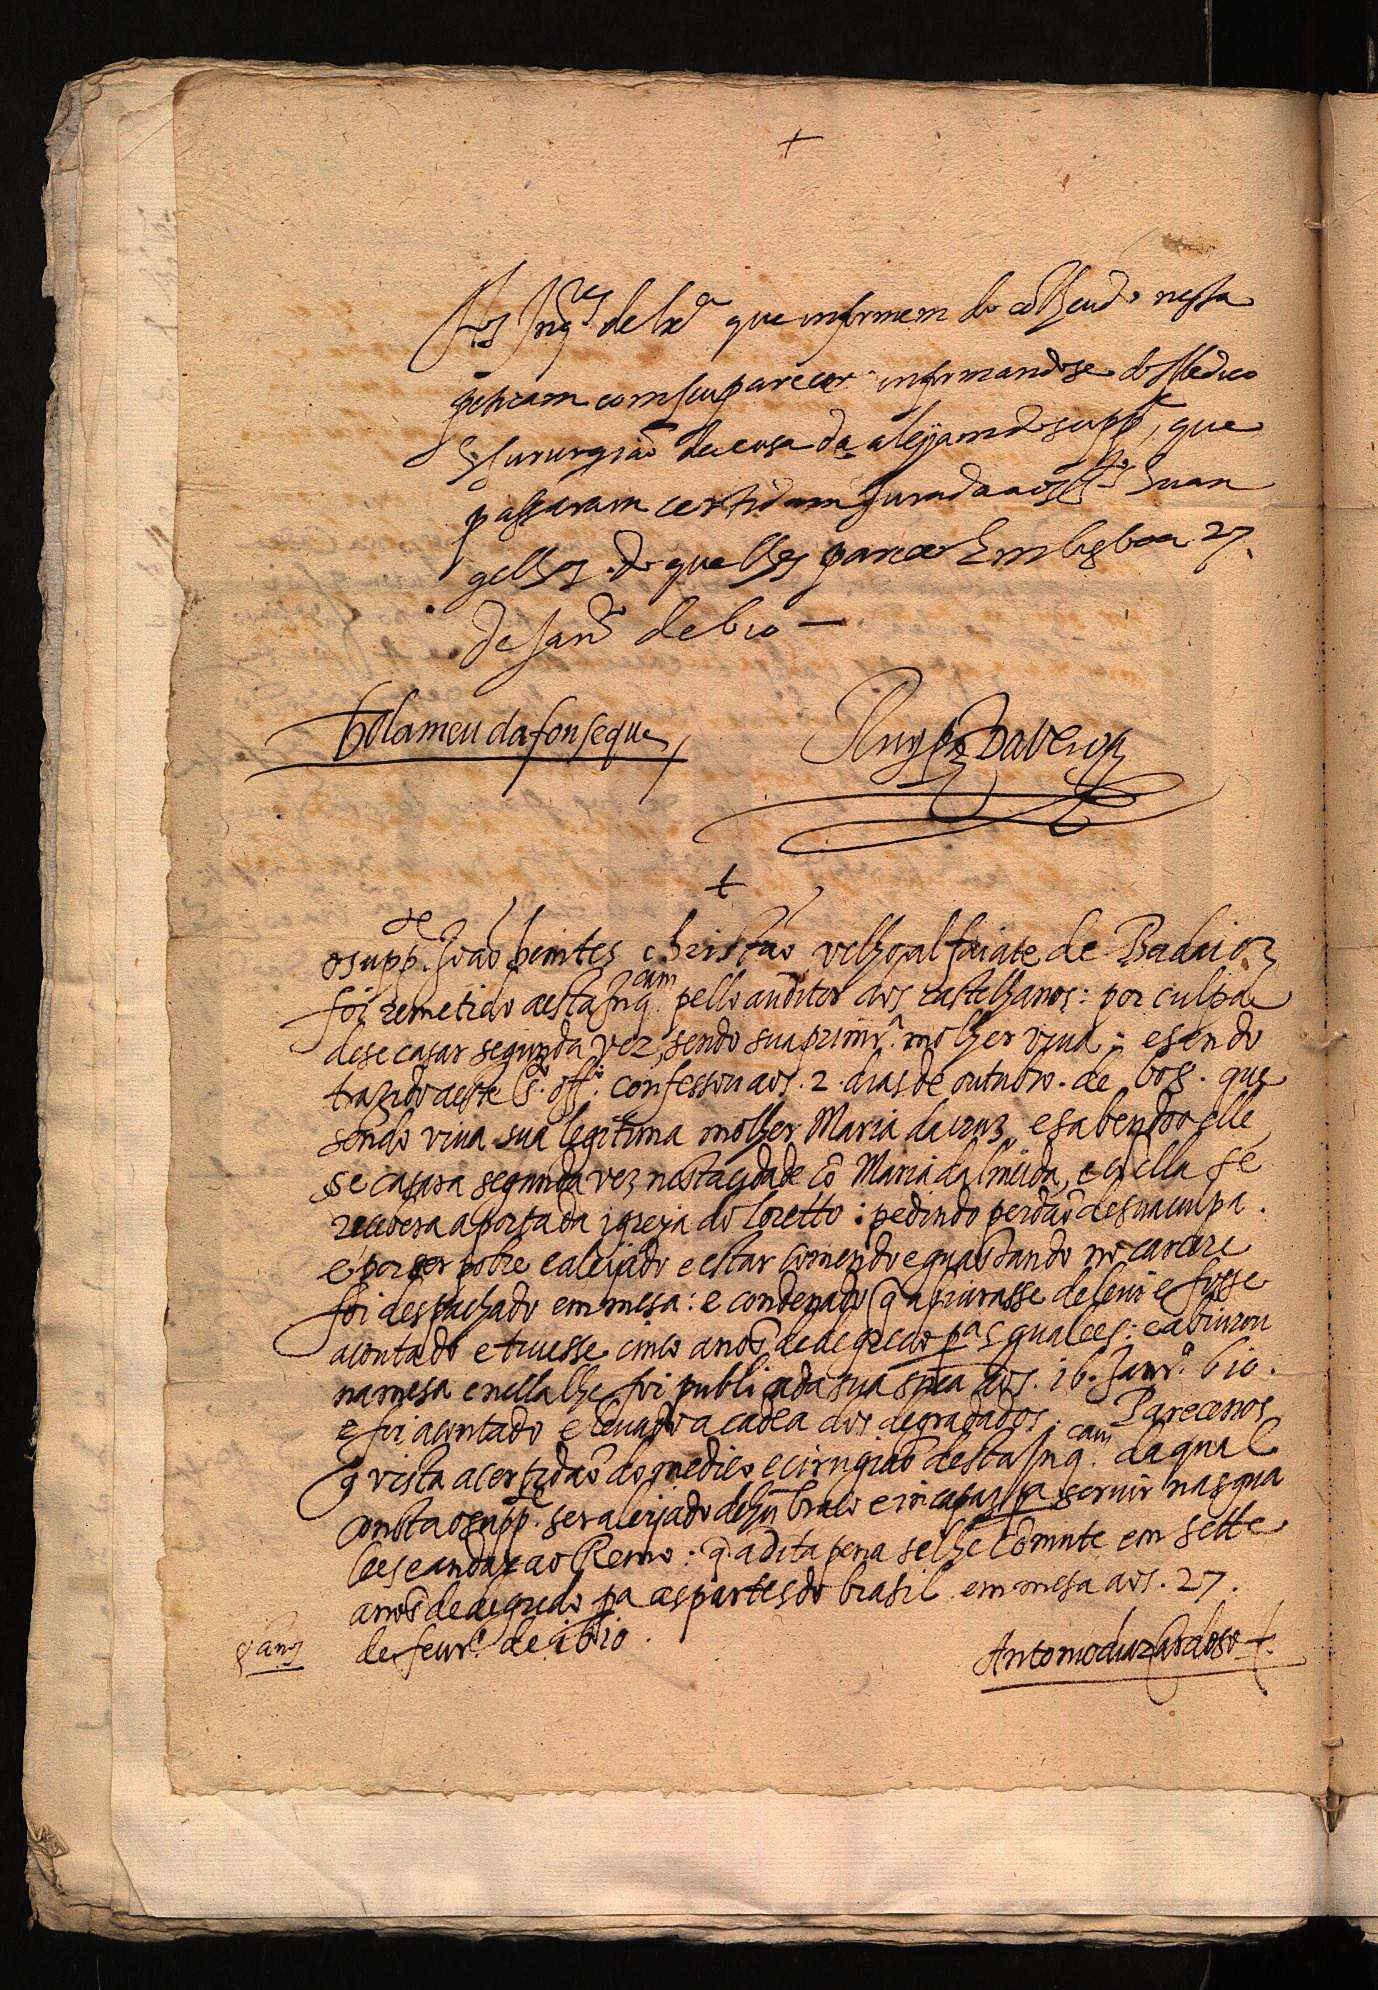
8 an̄os
Aos Jnqres de lxa que informem do cōtheudo nesta
petiçam com seu parecer informandose do Medico
E sururgiaõ da casa da alejjam do suppte, que
passaram certidam jurada aos stos Euan
gelhos do que lhes parecer Em lisboa 27
de Janro de 610
b̄olameu da fonsequa
Ruy piz̄ da veiga
o supp.te Joaõ benites christaõ velho, alfaiate de Badaioz
foi remetido a esta Inqçam pello auditor dos castelhanos: por culpa
de se casar segunda vez, sendo sua primr.a molher viua, e sendo
trazido a este s.to offo. confessou aos .2. dias de outubro. de 608. que
sendo viua sua legitima molher maria da cruz, e sabendoo elle,
se casara segunda vez nesta cidade cō maria dalmeida, e q̄ ella se
recebera a porta da igreya do loretto pedindo perdaõ de sua culpa.
e por ser pobre e aleijado e estar comendo e gastando no carcere
foi despachado em mesa: e condenado q̄ abiurasse de leui e fosse
açoutado e tiuesse cinco anos̄ de degredo ꝑa E gualees: e abiurou
na mesa e nella lhe foi publicada sua sn̄ça aos 16. Janr.o 610.
e foi açoutado e leuado a cadea dos degradados. Parecenos
q̄ vista a certidaõ do medico e cirugiaõ desta Jnq.çam da qual
consta o supp.te ser aleijado de hū braço e incapaz ꝑa seruir nas gua
lees e andar ao Remo. q̄. a dita pena se lhe cōmute em sette
anos̄ de degredo ꝑa as partes do brasil em mesa aos. 27.
de feuer.o de 1610.
Antonio diaz Cardoso
